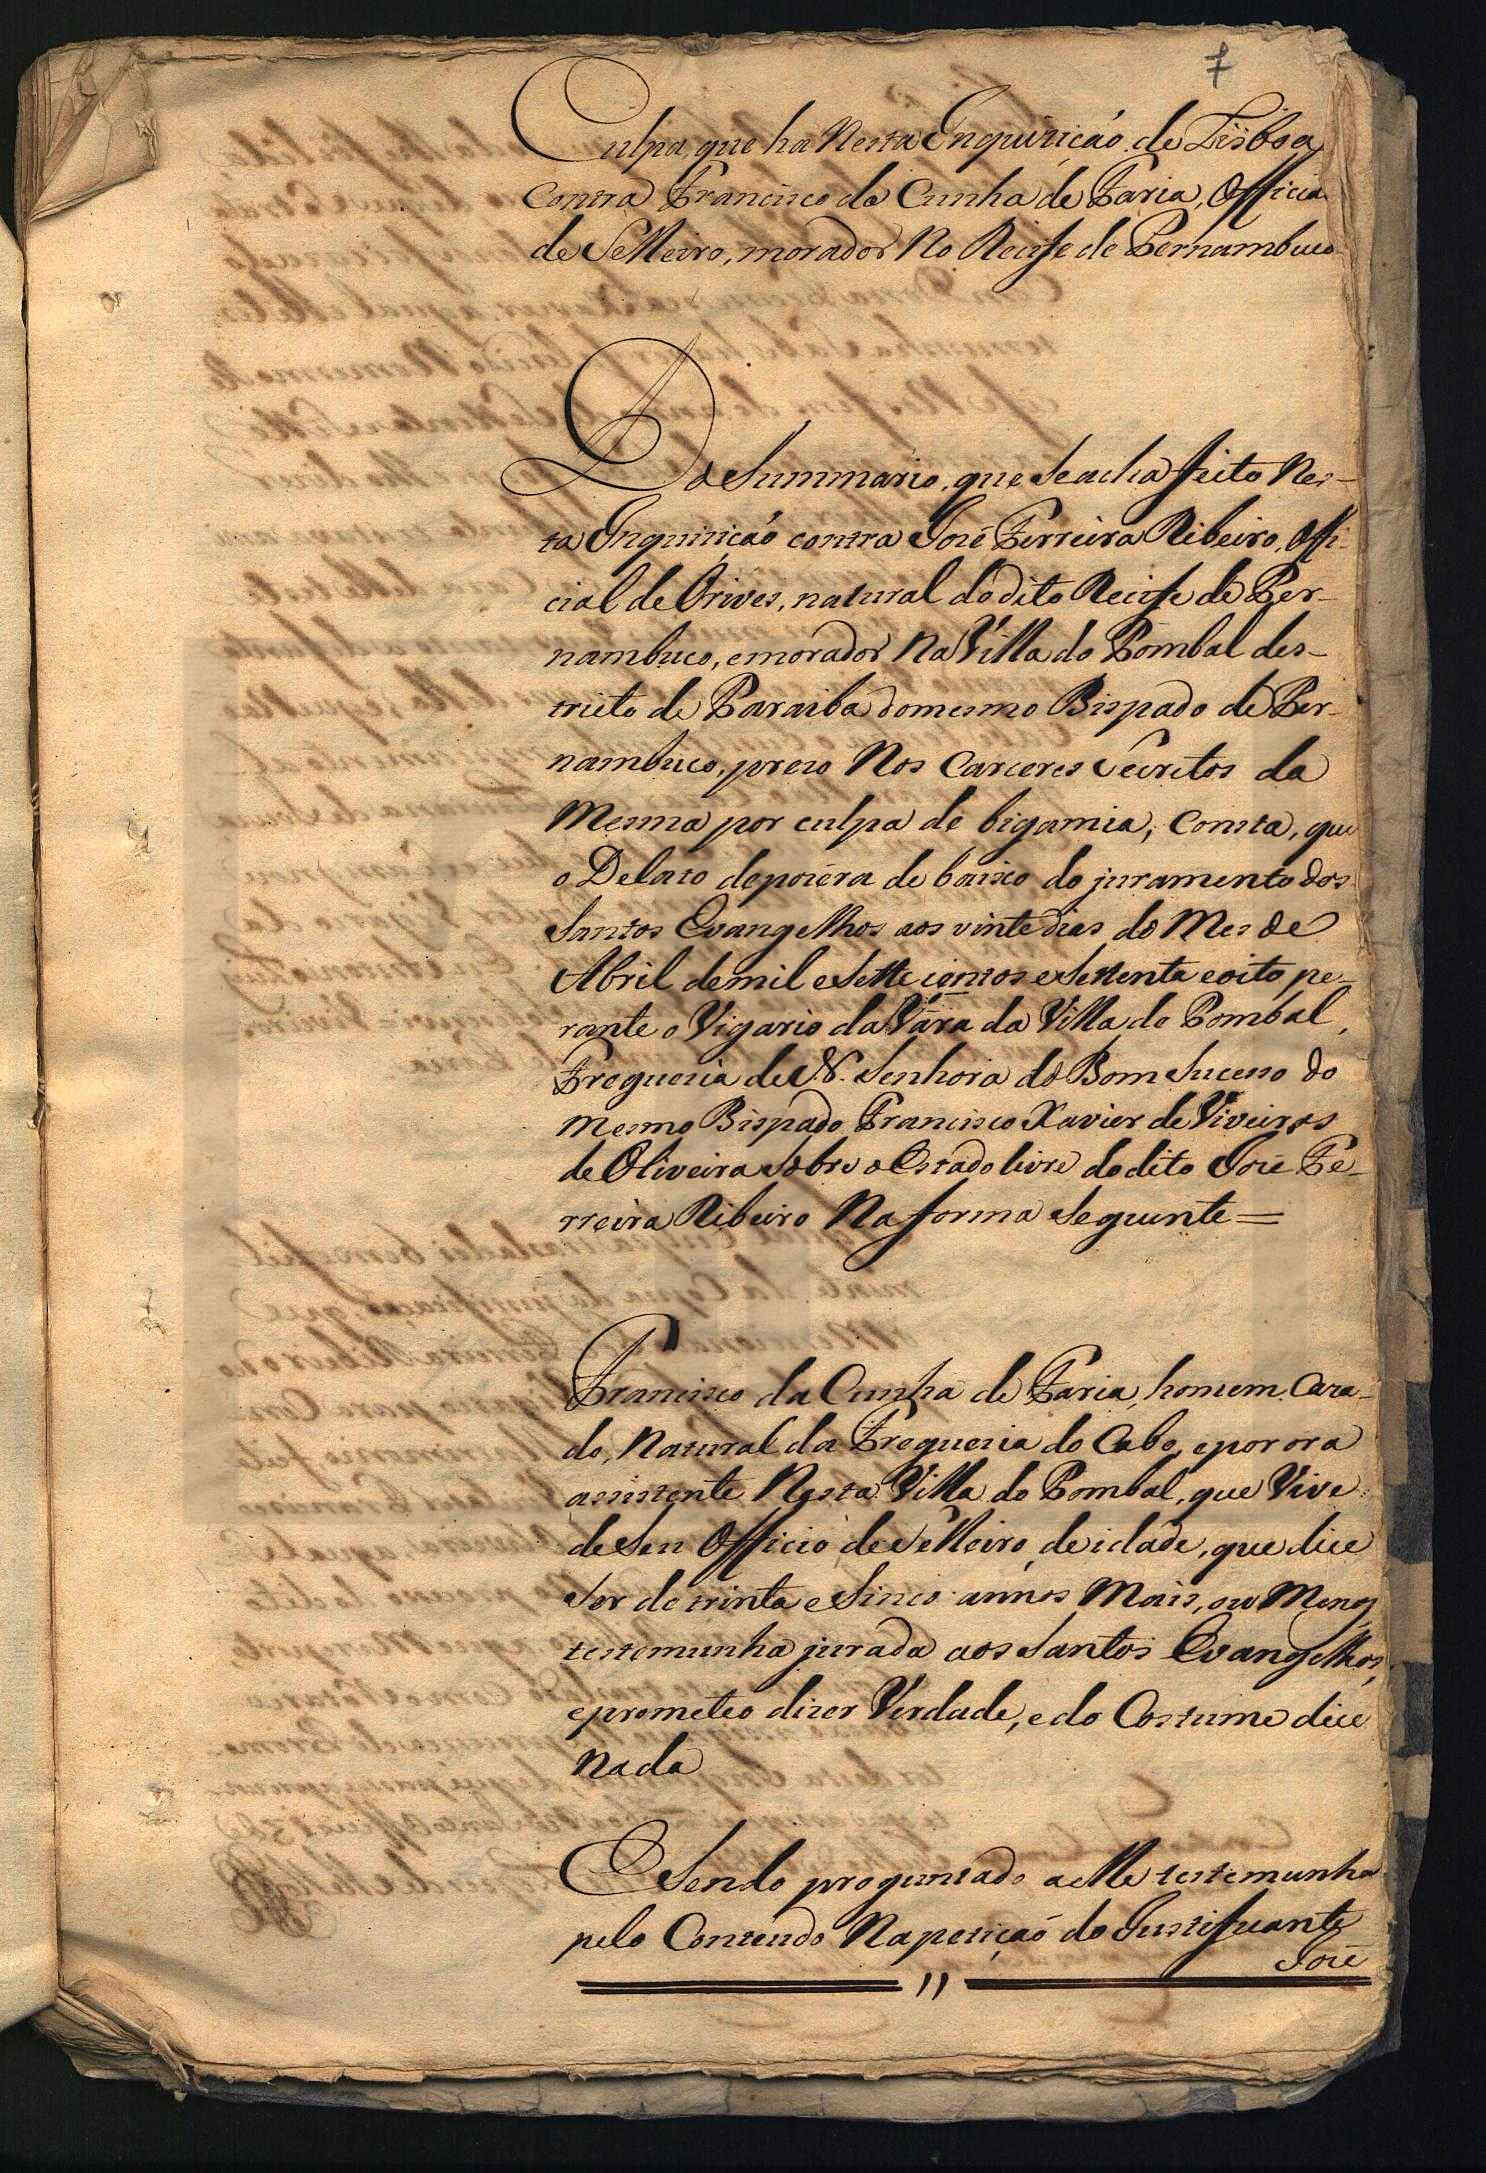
Culpa que ha Nesta Inquizição de Lisboa
contra Francisco da Cunha Faria, officia
de selleiro, morador no Recife de Pernambuco
Do Summario, que se acha feito nes
ta Inquizição contra Iosé Ferreira Ribeiro, Offi
cial de Orives, natural do dito Recife de Per
nambuco, e morador na Villa do Pombal des
tricto de Paraiba do mesmo Bispado de Per
nambuco, prezo Nos carceres secretos da
Mesma por culpa de bigamia, consta, que
o Delato depozera debaixo do juramento dos
Santos Evangelhos aos vinte dias, do Mes de
Abril de mil e Settecentos e Sessenta e oito pe
rante o Vigario da Vara da Villa de Pombal,
Freguezia de N. Senhota do Bom Sucesso do
Mesmo Bispado Francisco Xavier de Viveiros
de Oliveira sobre o Estado livre do dito Iozé Fe
rreira Ribeiro Na forma Seguinte
Francisco da Cunha de Faria, homem caza
do Natural da Freguezia do Cabo, e por ora
assistente Nesta Villa do Pombal, que Vive
de Seu officio de selleiro, de idade, que dice
ser de trinta e Sinco annos Mais, ou Menos,
testemunha jurada aos Santos Evangelhos,
e prometeo dizer Verdade, e do Costume dice
Nada
E Sendo proguntado a elle testemunha
pelo Conteudo Na petição do Iustificante
Iozé
